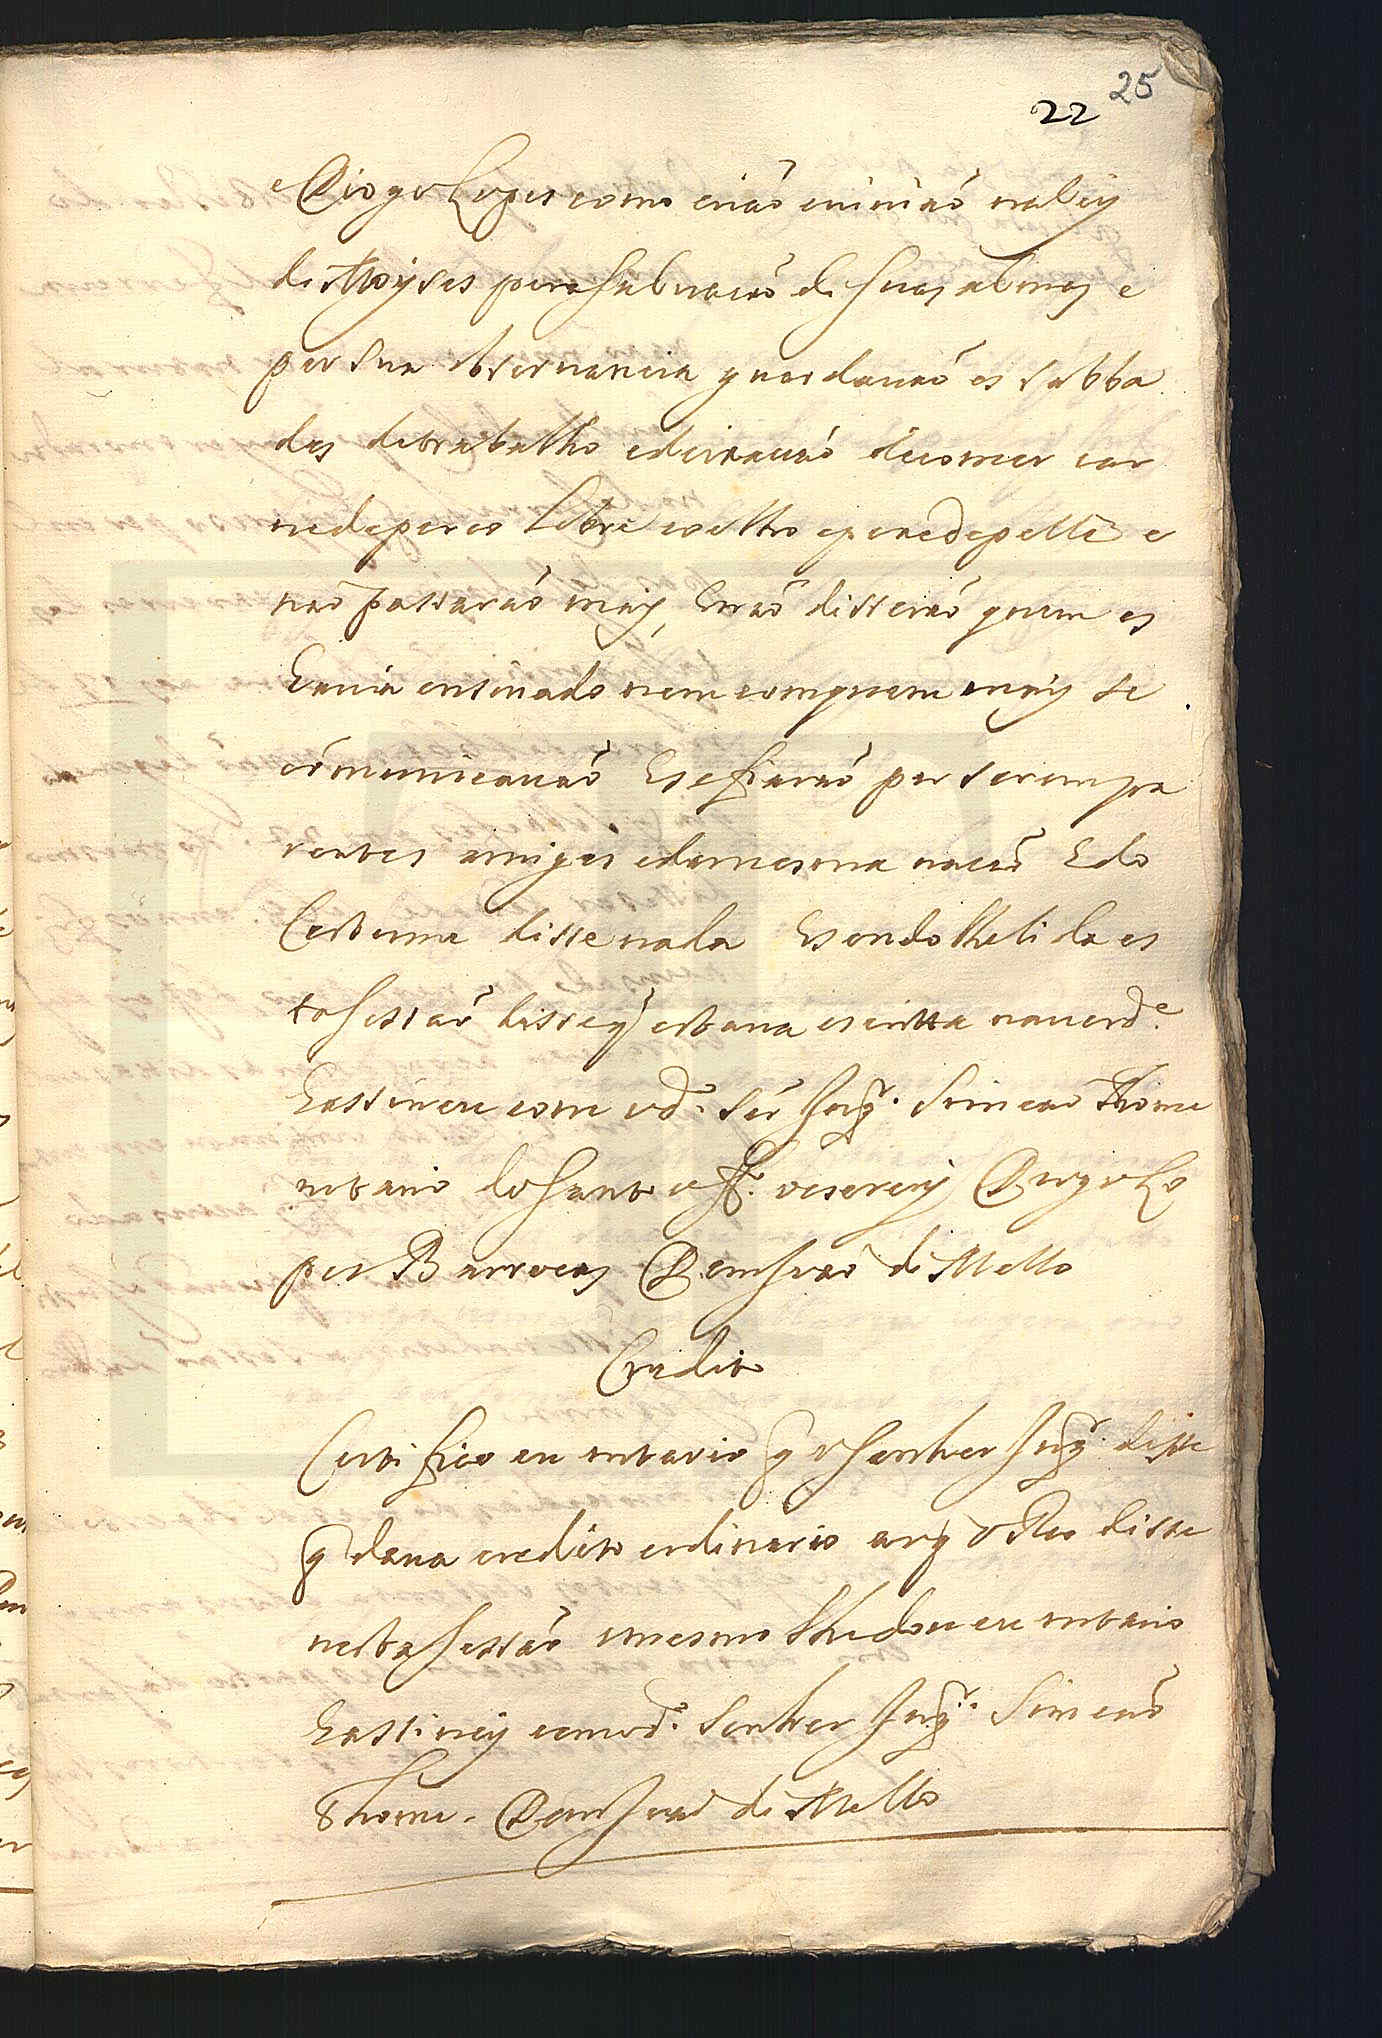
Diogo Lopes como criaõ e uiuiaõ na ley
de Moyses para Saluacaõ de Suas almas e
por sua obseruancia guardauaõ os sabba
dos de trabalho e deixauaõ de comer car
ne de porco Lebre coelho e pexe de pellē e
naõ passaraõ mais, E naõ disseraõ quem os
hauia ensinado nem com quem mais se
com̄unicauaõ E se fiaraõ por serem pa
rentes amigos e da mesma nacaõ E do
Costume disse nada E sendo lhe lida es
ta Sessaõ disse q̄ estaua escritta na uerd.e
E assinou com o d.o sor̄ Jnqr. Simeaõ Thome
notario do Santo off.o o escreuj, Diogo Lo
pes Barrocas Dom Joaõ de Mello
Credito
Certifico eu notario q̄ o Senhor Jnqr. disse
q̄ daua credito ordinario ao q̄ o Reo disse
nesta Sessaõ o mesmo lhe dou eu notario
E assiney com o d.o Senhor Jnqr. Simeaõ
Thome. Dom Joaõ de Mello
